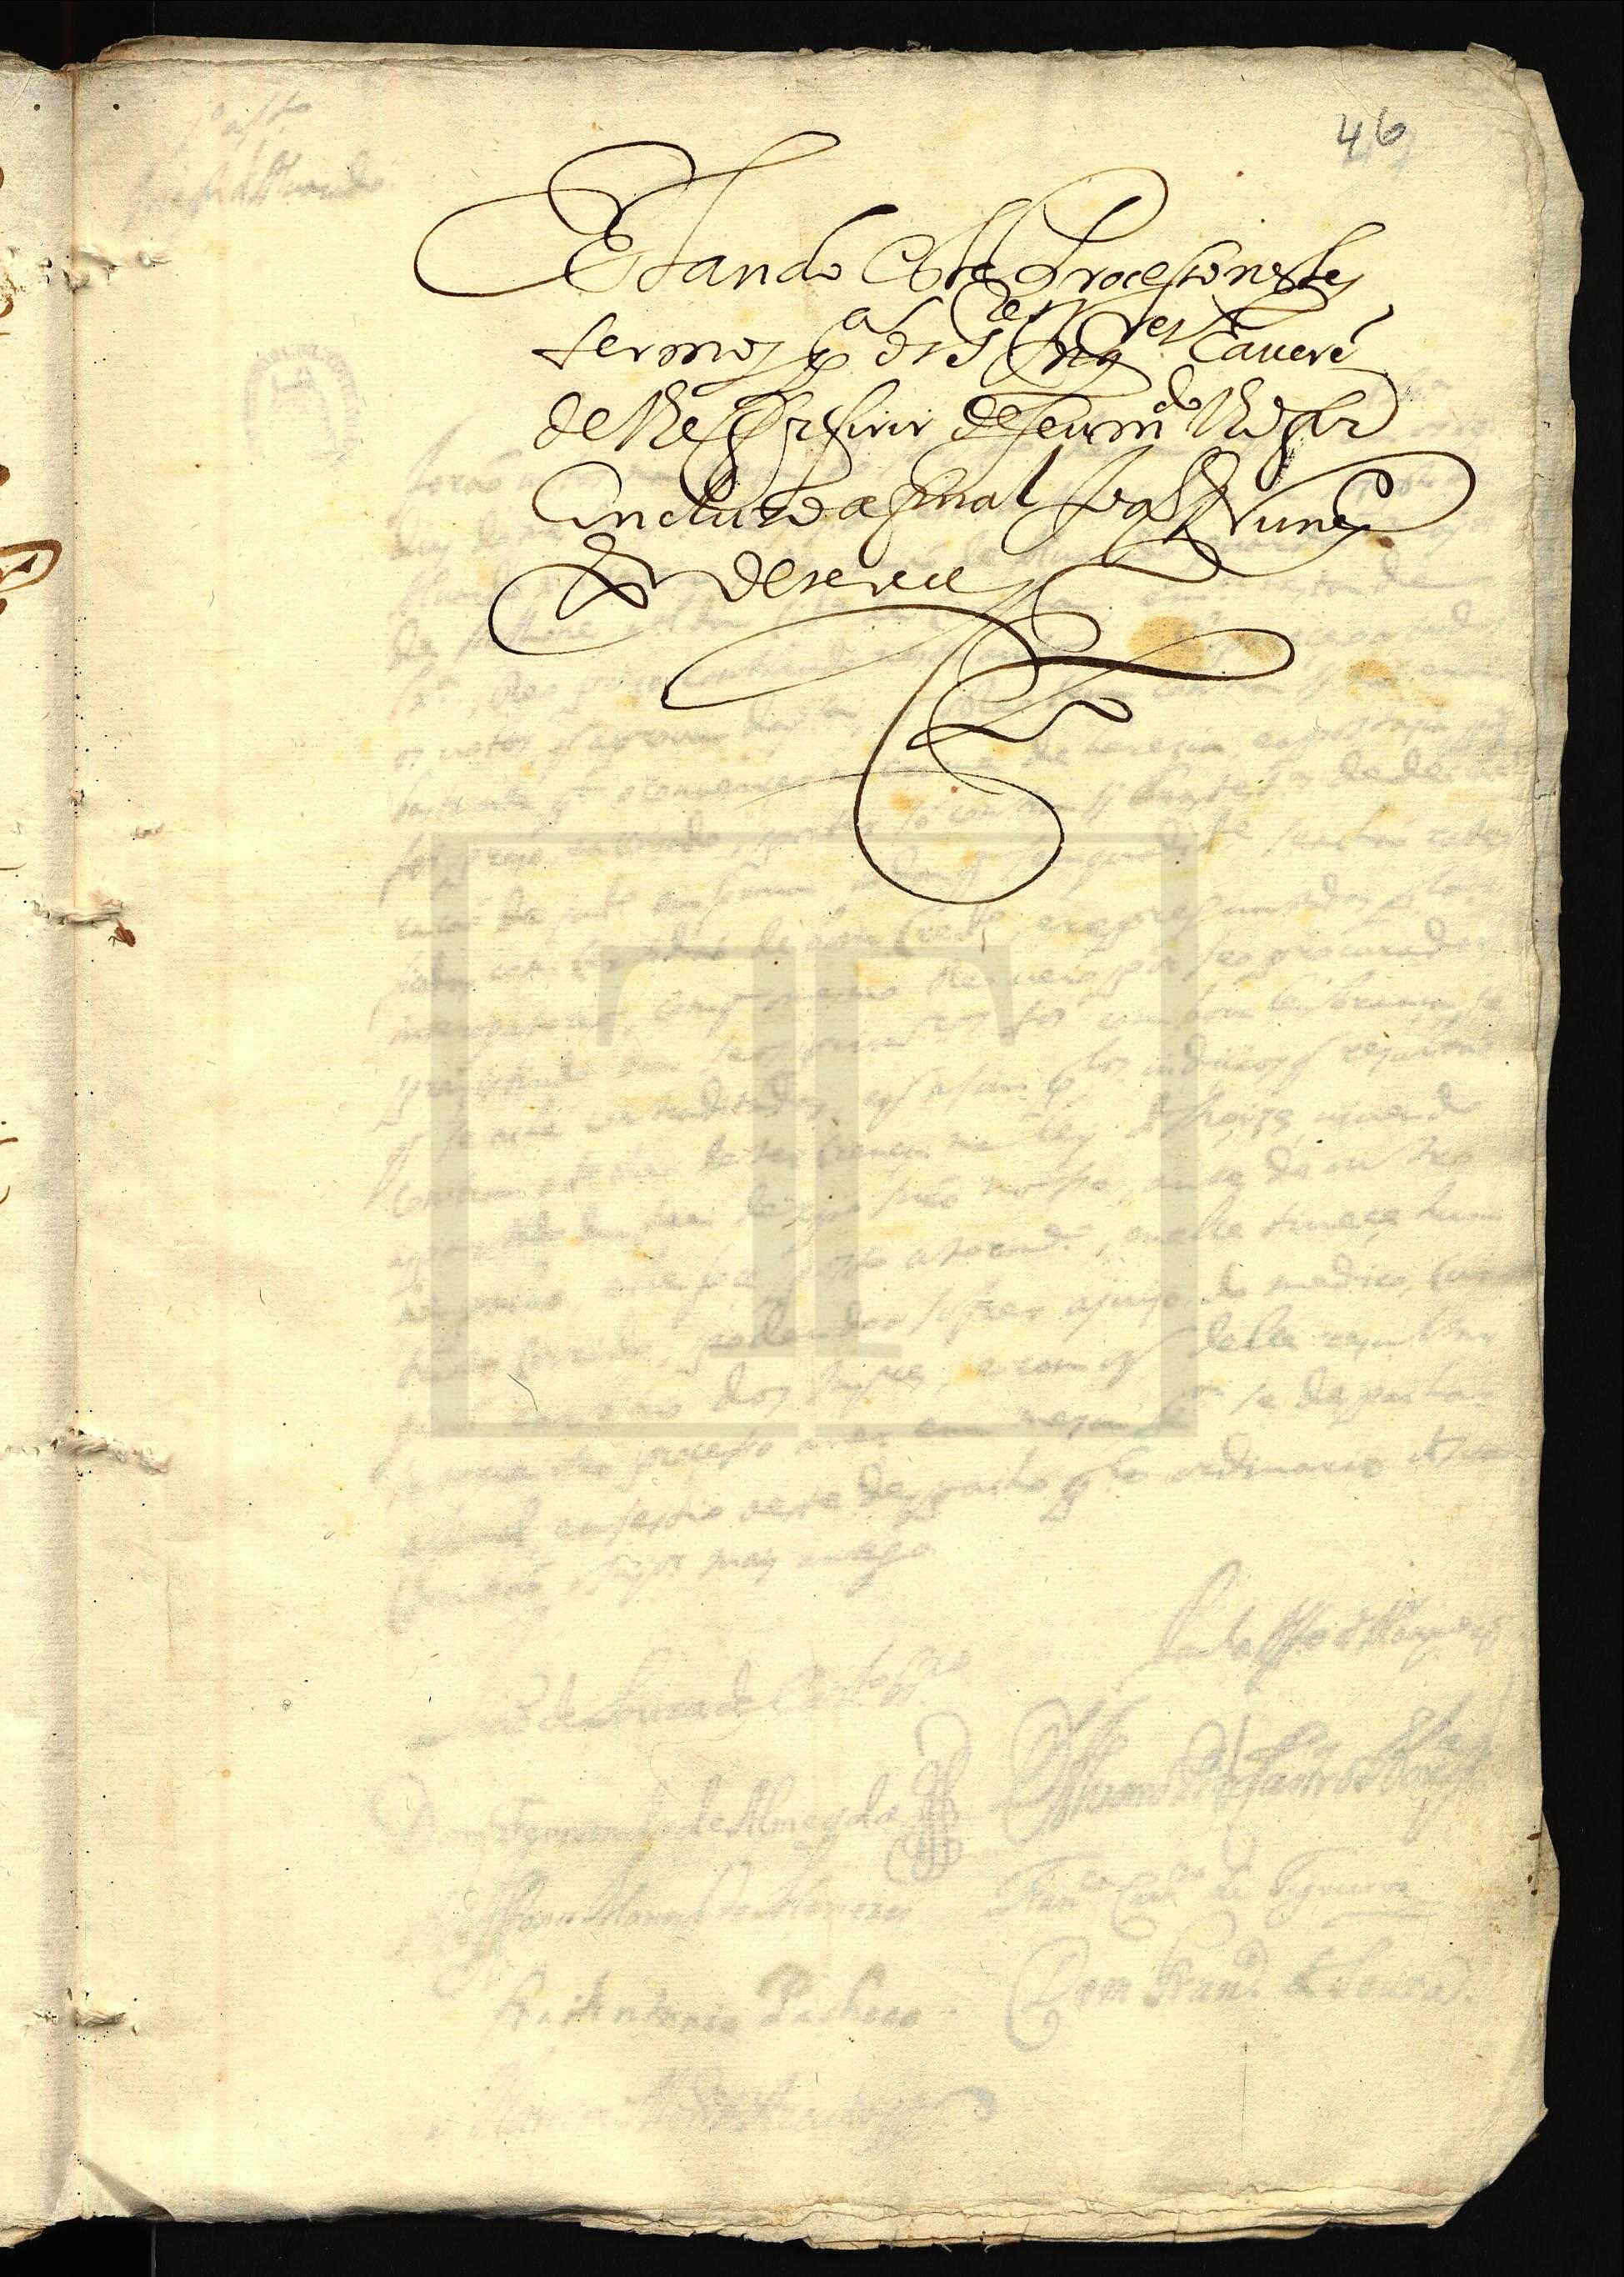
Estando este Processo nestes
termos pa os S.res Inqres hauerē
delhe Defirir de seu mdo lhe fiz
Concluzo afinal Joaõ Nunes
Xer o escreuj
